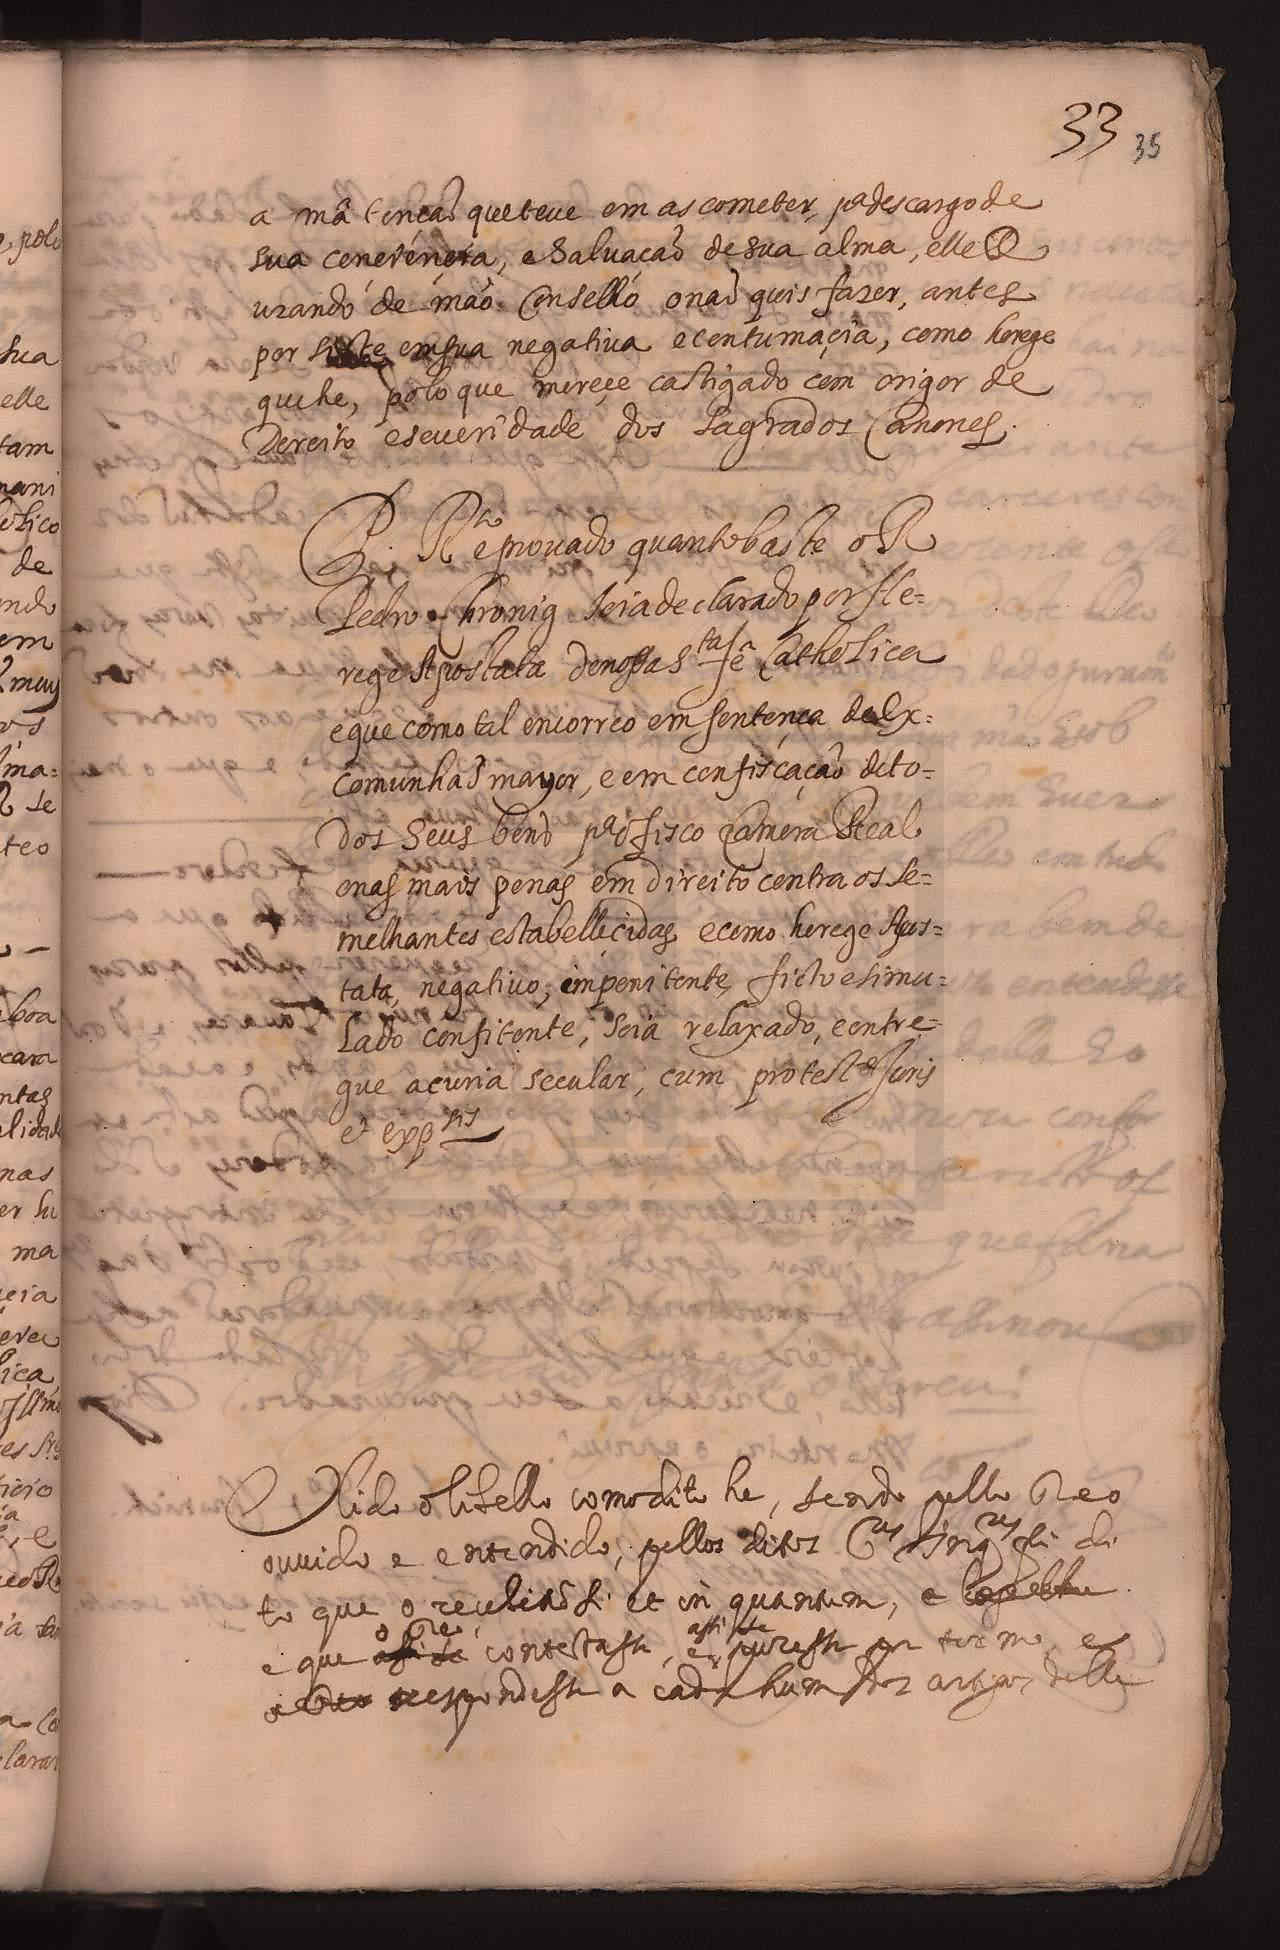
33
a má tençaõ que teue em as cometer, pa descargo de
sua conçiençia, e saluaçaõ de sua alma, elle R
uzando de mao Conselho o naõ quis fazer, antes
persiste em sua negatiua e contumaçia, como herege
que he, polo que mereçe castigado com o rigor de
Dereito e seueridade dos Sagrados Canones
P R.to e prouado quanto baste o R.
Pedro Chronig seia declarado por He
rege Apostata de nossa sta fé Catholica
e que como tal encorreo em sentença de ex
comunhaõ mayor, e em confiscação de to
dos seus bens pa o fisco Camera Real
e nas mais penas em direito contra os se
melhantes estabellecidas e como herege Apos
tata, negatiuo, impenitente, ficto e simu
Lado confitente, seia relaxado, e entre
gue a curia secular, cum proteste Juris
& expsis
E lido o libello como dito he, sendo pello Reo
ouuido e entendido, pellos ditos sres Jnqres foi di
to que o reçebiaõ si et in quantum, e logo lhe
assiste
e que o Reo contestasse, e puzesse por termo, e
o Reo respondesse a cada hum os artigos delle
